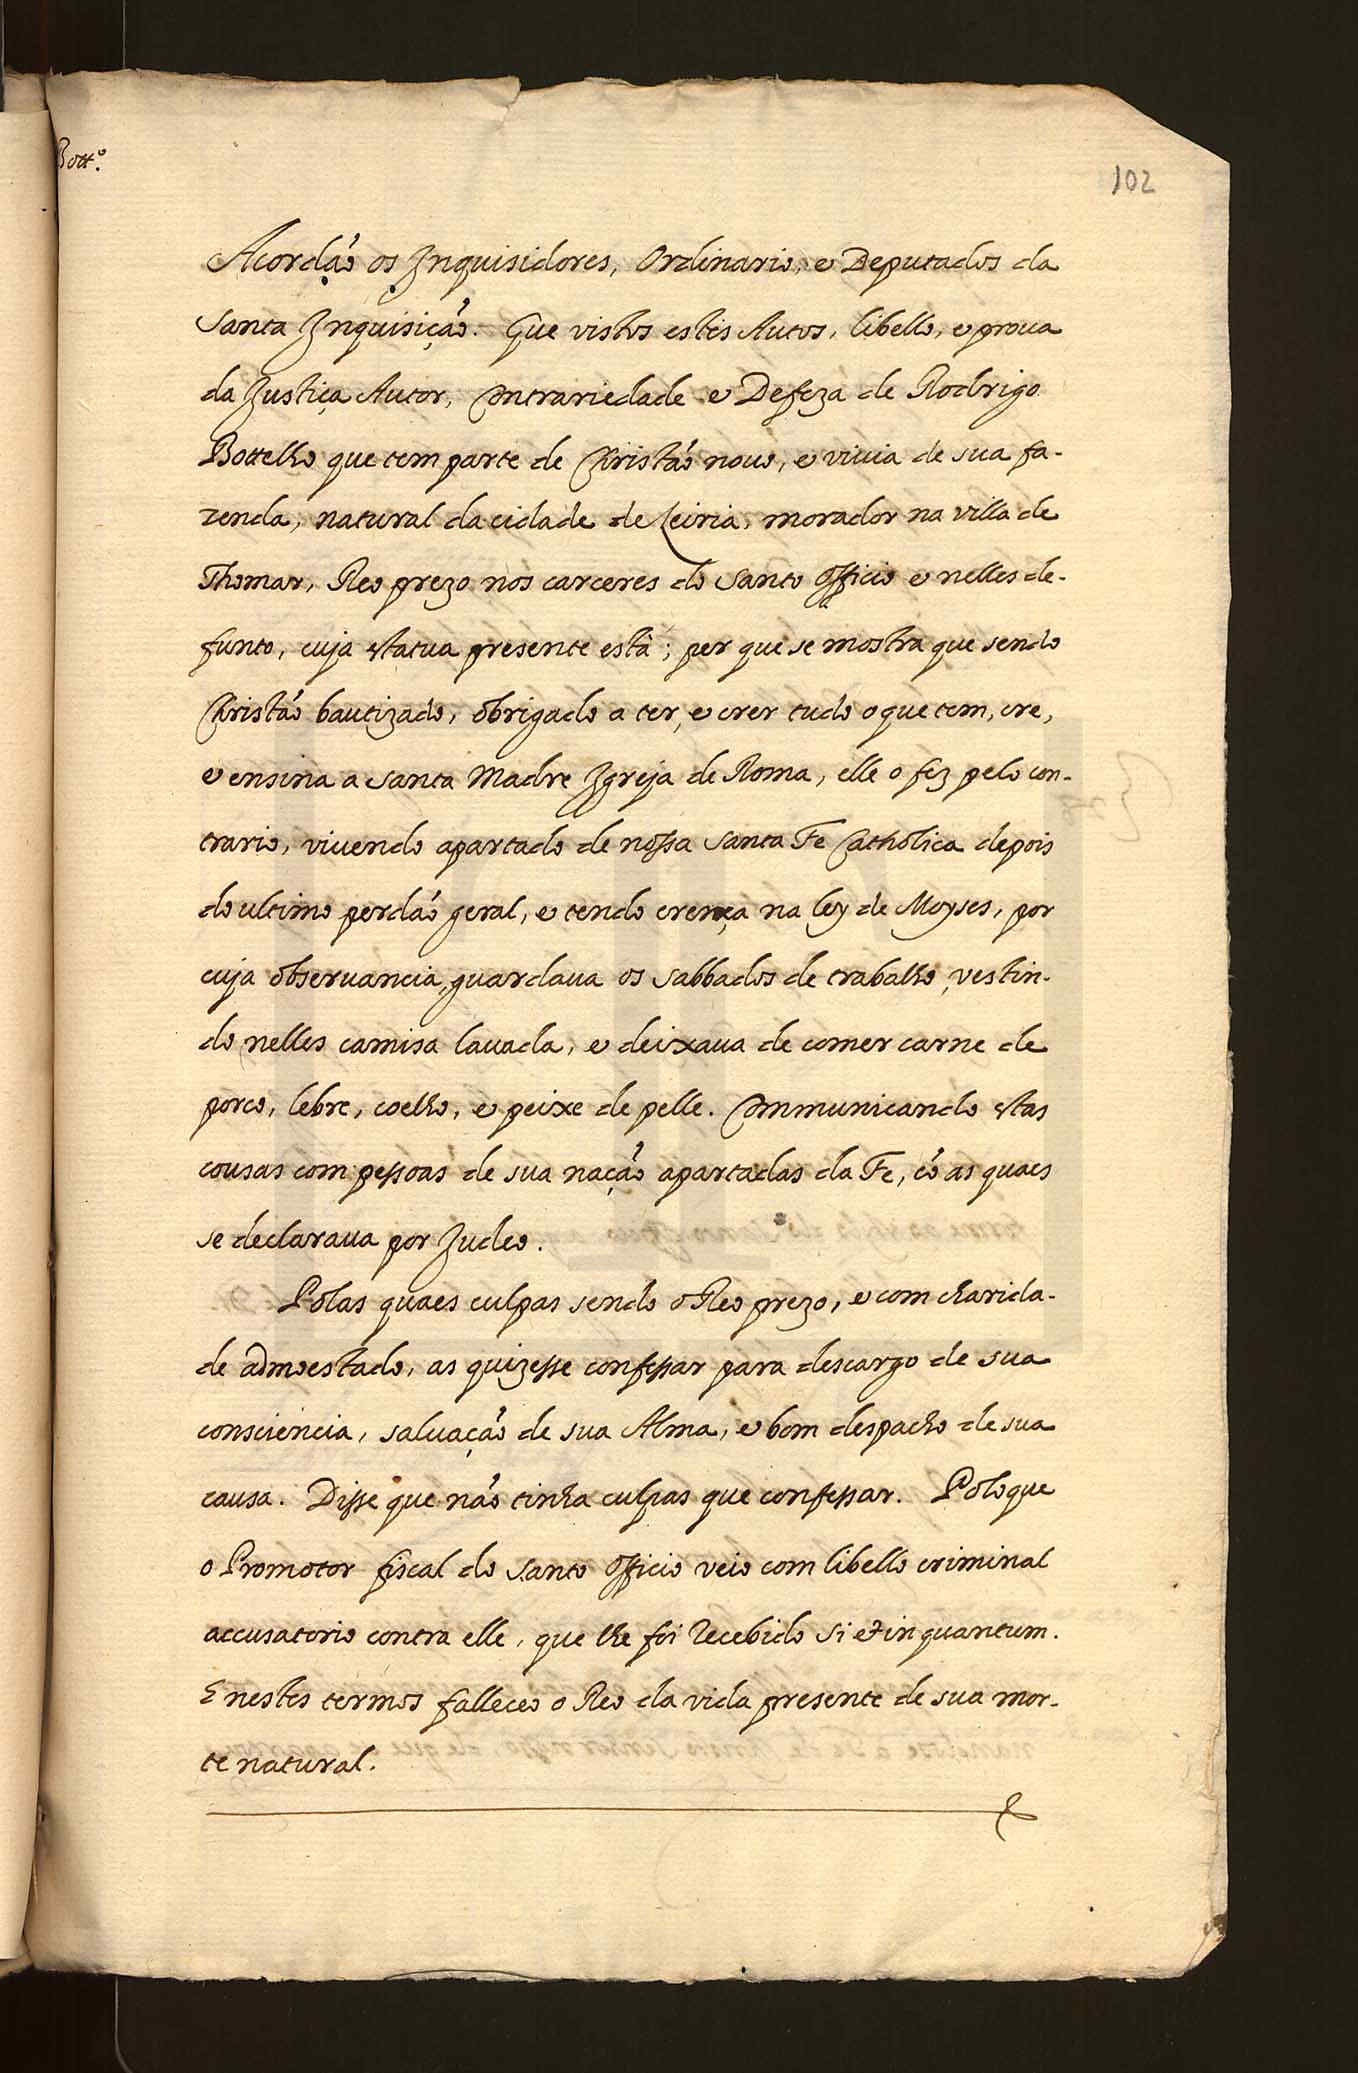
Acordaõ os Jnquisidores, Ordinario, e Deputados da
Santa Jnquisiçaõ. Que vistos estes Autos, libello, e proua
da Justiça Autor, Contrariedade e Defeza de Rodrigo
Bottelho que tem parte de Christaõ nouo, e viuia de sua fa
zenda, natural da cidade de Leiria, morador na villa de
Thomar, Reo prezo nos carceres do Santo officio e nelles de
funto, cuja estatua presente está; per que se mostra que sendo
Christaõ bautizado, obrigado a ter, e crer tudo o que tem, cre,
e ensina a santa madre Jgreja de Roma, elle o fez pelo con
trario, viuendo apartado de nossa santa Fe Catholica depois
do ultimo perdaõ geral, e tendo crença na ley de Moyses, por
cuja obseruancia, guardaua os sabbados de trabalho, vestin
do nelles camisa lauada, e deixaua de comer carne de
porco, lebre, coelho, e peixe de pelle. Communicando estas
cousas com pessoas de sua naçaõ apartadas da Fe, cō as quaes
se declaraua por Judeo.
Polas quaes culpas sendo o Reo prezo, e com charida
de admoestado, as quizesse confessar para descargo de sua
consciencia, saluaçaõ de sua Alma, e bom despacho de sua
causa. Disse que naõ tinha culpas que confessar. Polo que
o Promotor fiscal do santo officio veio com libello criminal
accusatorio contra elle, que lhe foi Recebido si et in quantum.
E nestes termos falleceo o Reo da vida presente de sua mor
te natural.
